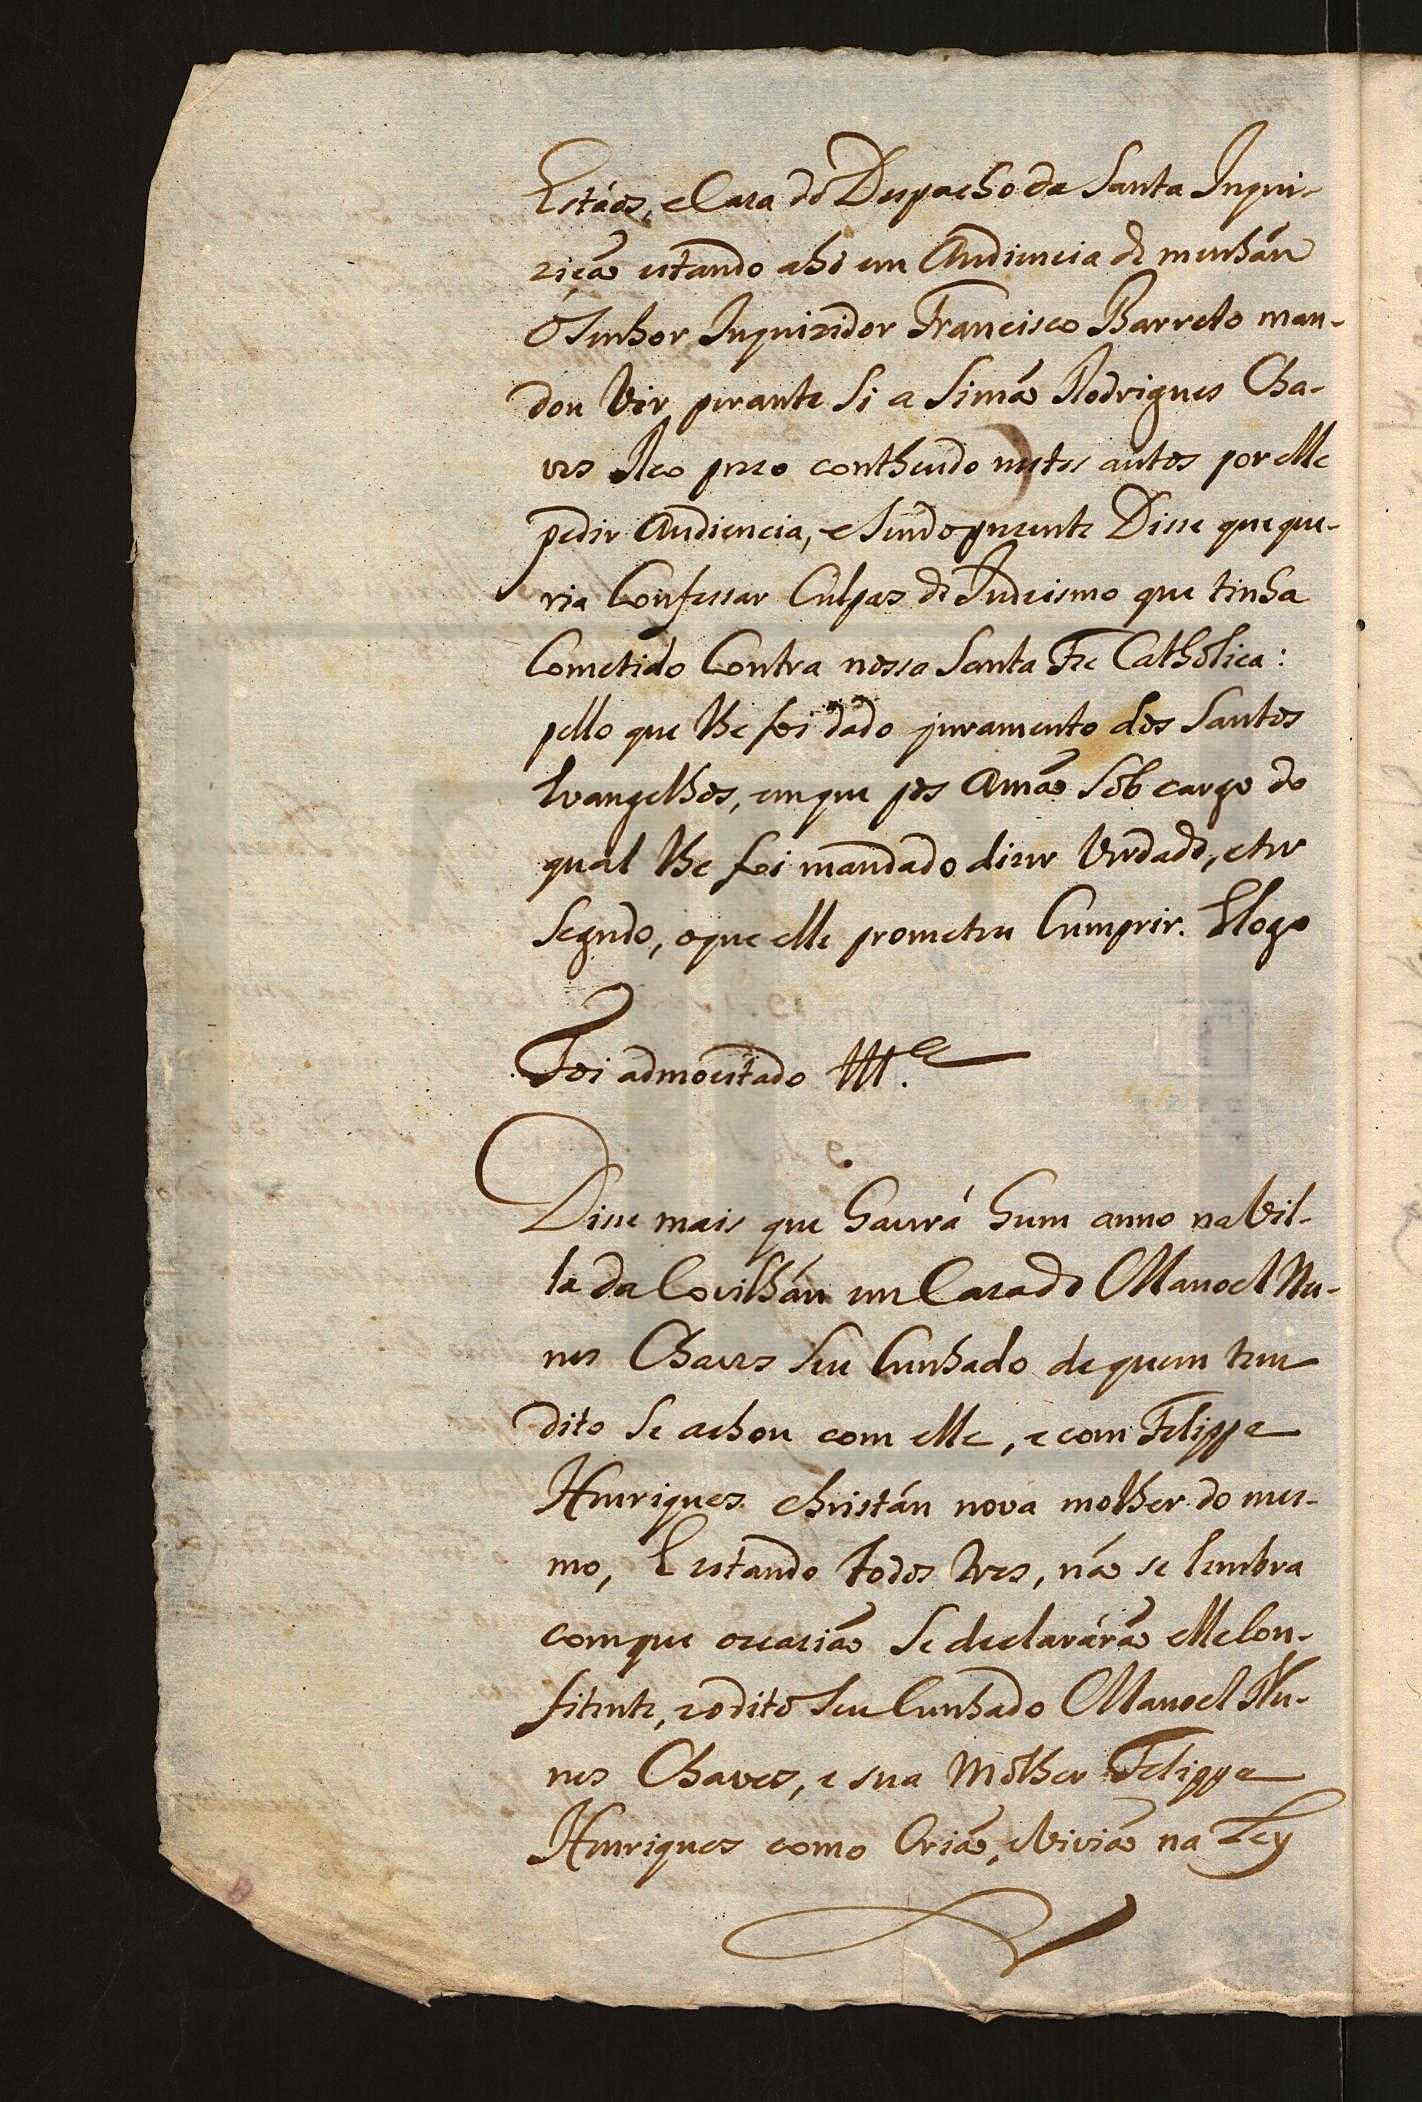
Estáos, e Caza do Despacho da Santa Inqui
zição estando ahi em audiencia de menhãn
o senhor Inquizidor Francisco Barreto man
dou Vir perante Si a Simão Rodrigues Cha
ves Reo preso contheudo nestes autos por elle
pedir audiencia, e Sendo presente Disse que que
ria Confessar Culpas de Iudaismo que tinha
Cometido Contra nossa Santa Fee Catholica:
pello que lhe foi dado juramento dos Santos
Evangelhos, em que pos a mão Sob cargo do
qual lhe foi mandado dizer Verdade, e ter
Segredo, o que elle prometeu Cumprir. E logo
Foi admoestado ttt.a
Disse mais que hauerá hum anno na Vil
la da Covilhãn em Caza do Manoel Nu
nes Chaves seu Cunhado de quem tem
dito Se achou com elle, e com Felippa
Henriques christán nova molher do mes
mo, E estando todos tres, não se lembra
com que occasião Se declarárão elle Con
fitente, e o dito Seu Cunhado Manoel Nu
nes Chaves, e sua molher Felippa
Henriques como Criaõ, e Viviaõ na Ley
